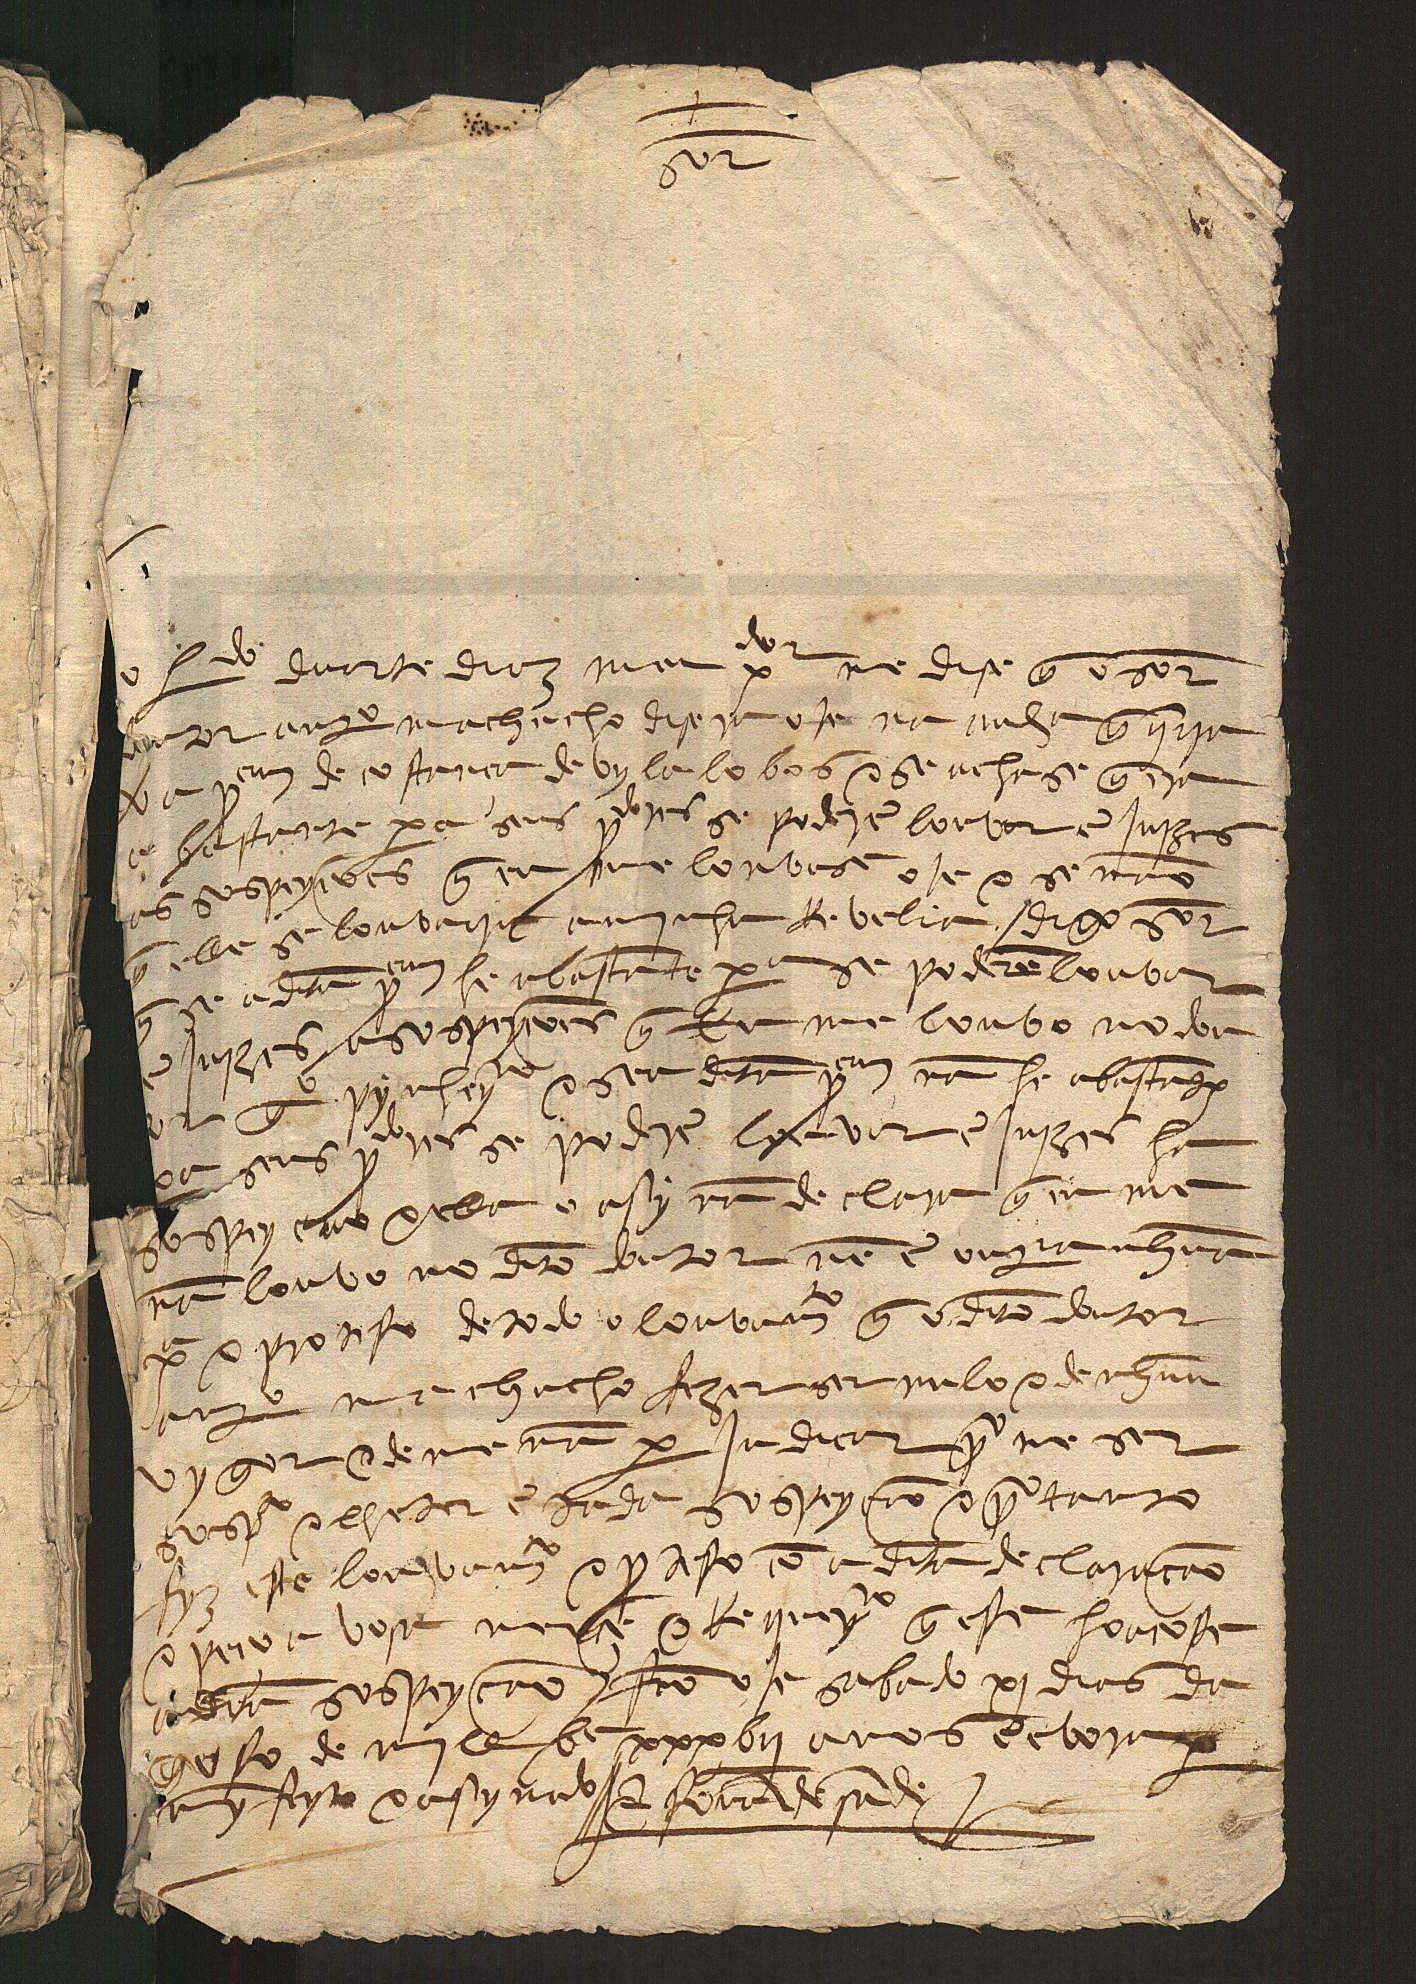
s̄or
o Ldo duarte diaz meu pdor me dise q̄ o s̄or
doutor anto machucho disera oJe na audja q̄ q̄rja
ꝟ a ꝓcam de costança de vylalobos e se achase q̄ era
a bastante ꝑa seus ꝓdores se poderē louvar ē Jujzes
as sospeyções q̄ eu me louvase oJe e se não
q̄ elle se louvarja a mjnha Revelia ./ digo s̄or
q̄ se a dita ꝓcam he a bastāte ꝓa se podēre louvar
ē Juijzes a sospeyções q̄ Eu me louvo no dou
tor go pynheyro e se a dita ꝓcam n̄a he a bastātꝭ
ꝑa seus ꝓdores se poderē louvar ē Jujzes ha
sospeycao e ella o asy n̄a declara q̄ eu me
n̄a louvo no dito doutor n̄e ē outra nhūa
pa e protesto de todo o louvamto q̄ o dito doutor
anto machucho fezer ser nulo e de nhūu
vygor e de me n̄a ꝑJudicar p̄o me ser
sospto e lhe ter ē tada sospeyção e p̄otanto
fyz este louvamto e ꝓtesto c̄o a dita declaração
e peço a vosa merçe e Requeyro q̄ este ho acoste
a dita sospeyção / f̄co oJe sabado xj dias da
gosto de mjll bc xxx bij anos ē evora ꝑ
mȳ feyto e asynado
fernā de s̄ade
